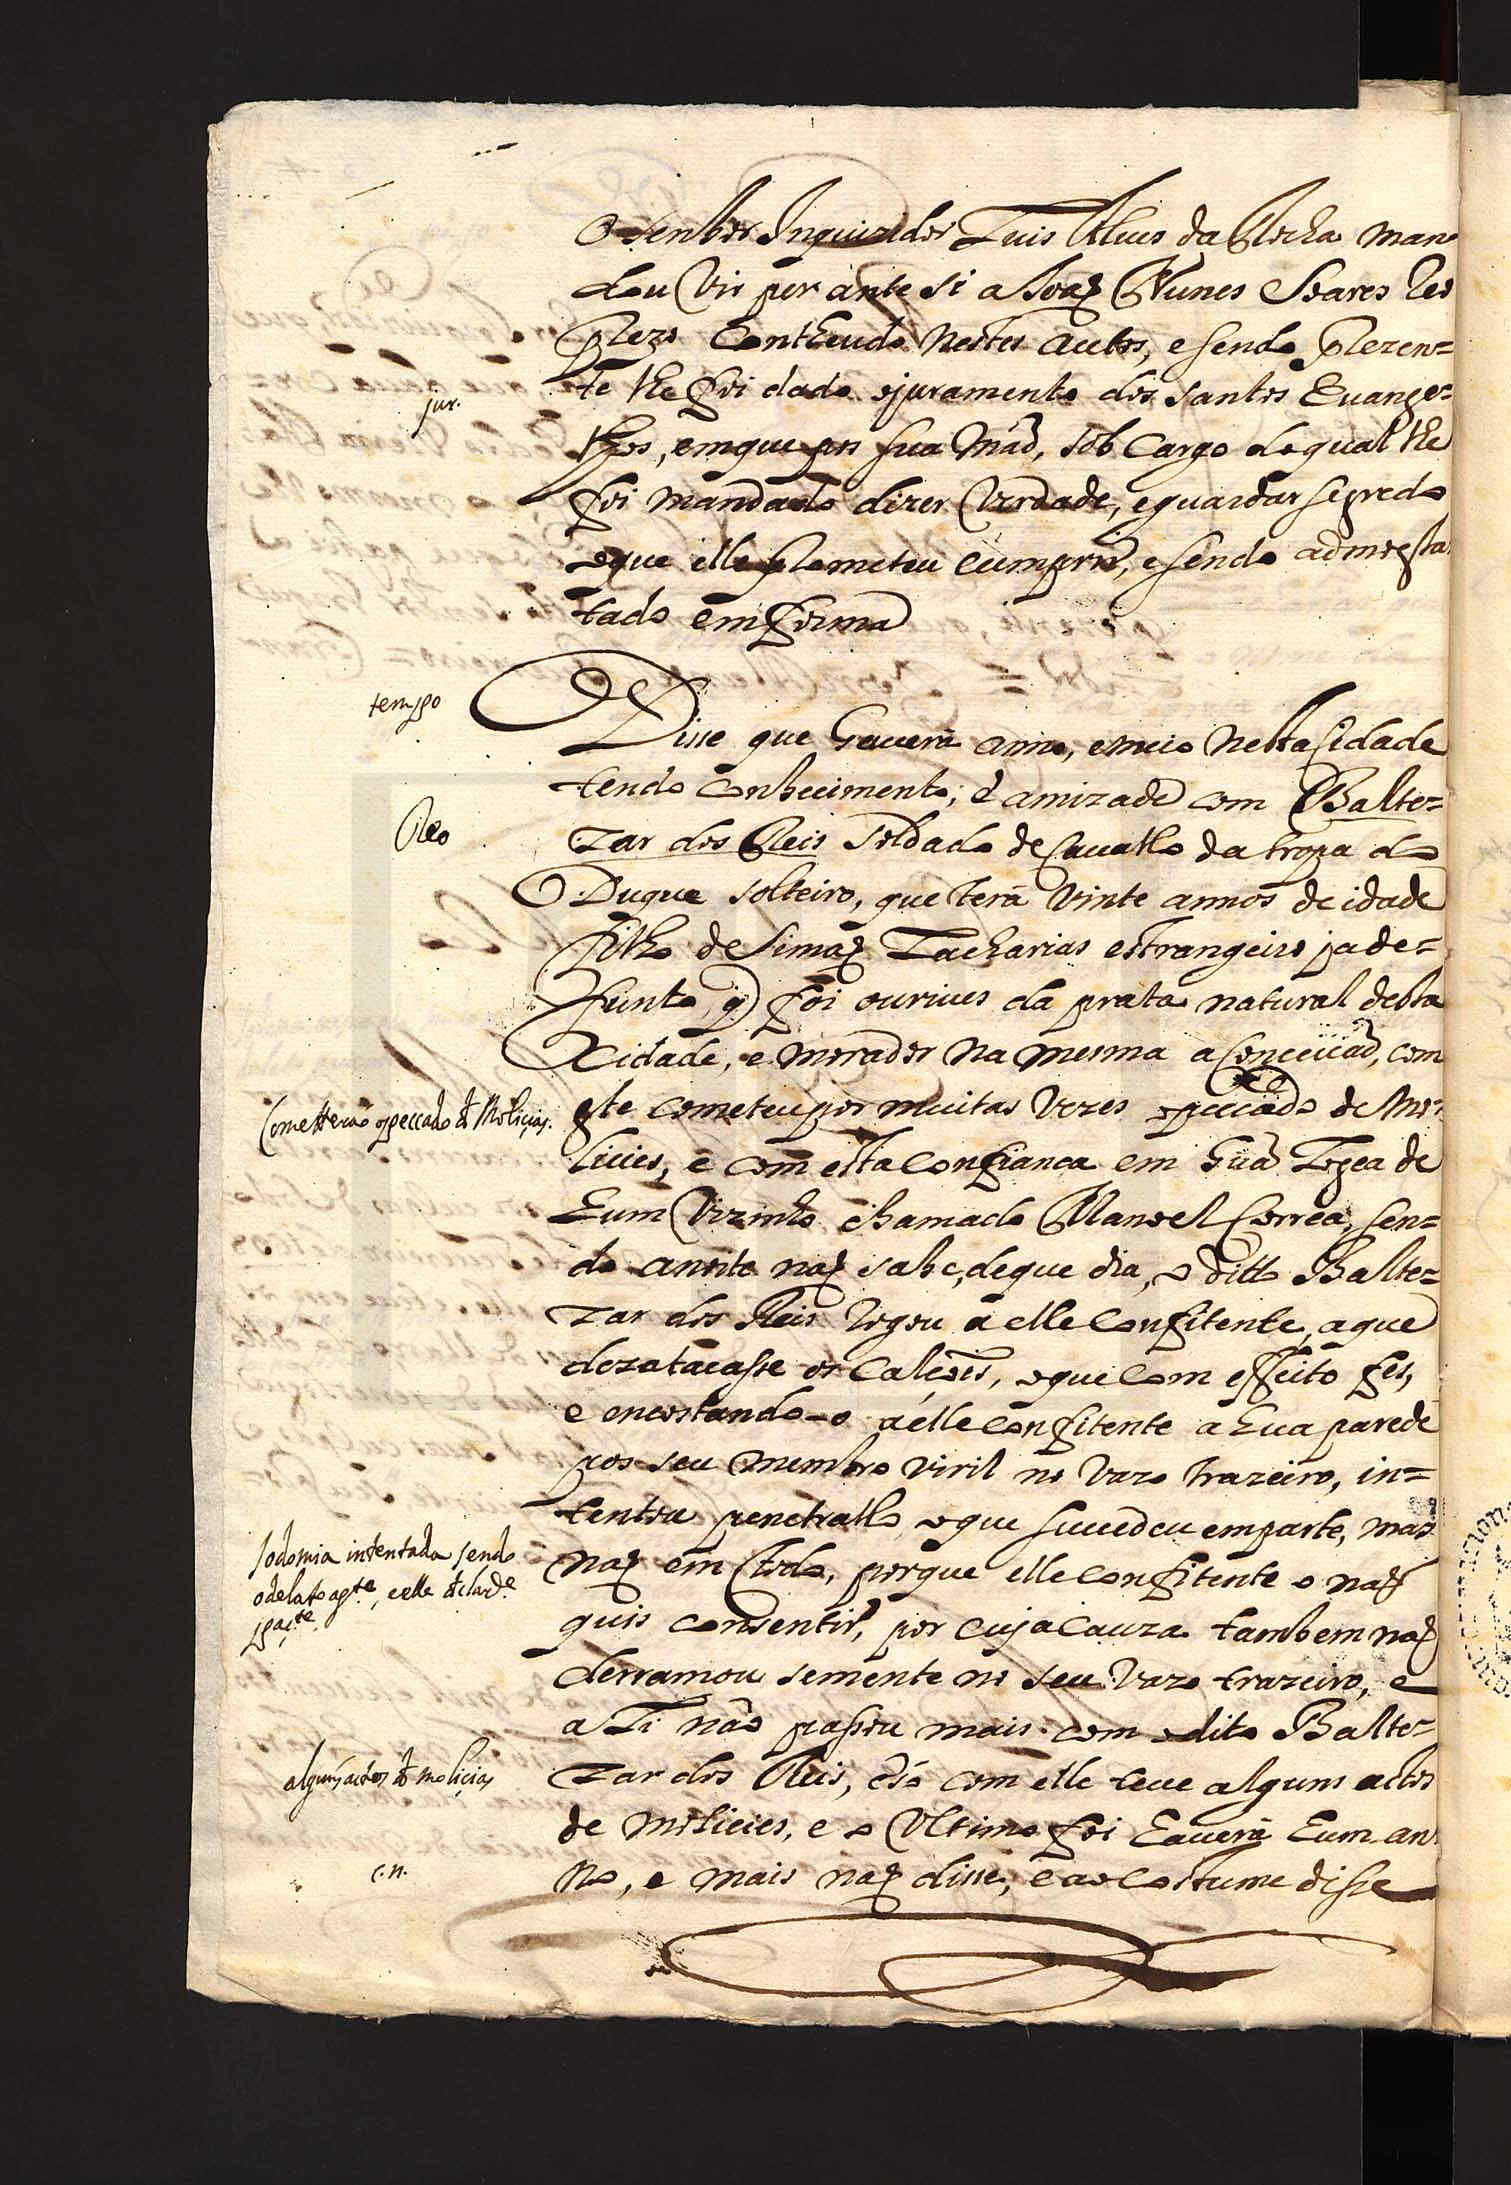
o senhor Inquizidor Luis Alues da Rocha man
dou vir perante si a Ioão Nunes Soares Reo
pRezo Contheudo nestes autos, e sendo prezen
te lhe foi dado o juramento dos santos Euange
lhos, em que pos sua maõ, sob cargo do qual lhe
foi mandado dizer verdade, e guardar segredo
o que elle prometeu cumprir, e sendo admoesta
tado em forma
Disse que hauerá anno, e meio nesta Cidade
tendo conhecimento; e amizade com Balte
zar dos Reis soldado de Cauallo da tropa do
Duque solteiro, que terá vinte annos de idade
filho de Simaõ Zacharias estrangeiro ja de
funto, q̄ foi ouriues da prata natural desta
Cidade, e morador na mesma a Conceiçaõ, com
este cometeu por muitas vezes o peccado de mo
licies, e com esta confiança em huā Logea de
hum Vizinho chamado Manoel Correa, sen
do a noite naõ sabe, de que dia, o ditto Balte
zar dos Reis Rogou a elle confitente, a que
dezatacasse os calçoẽs, o que com effeito fes,
e encostando-o a elle confitente a hua parede
pos seu membro viril no vazo trazeiro, in
tentou penetrallo o que succedeu em parte, mas
naõ em todo, porque elle confitente o naõ
quis consentir, por cuja cauza tambem naõ
derramou semente no seu vazo trazeiro, e
ali não passou mais com o dito Balte
zar dos Reis, e só com elle teue alguns actos
de molicies, e o Vltimo foi hauerá hum an
no, e mais naõ disse, e ao costume disse
tempo
Reo
Cometteraõ o peccado d̄ Molicias
Sodomia intentada sendo
o delato ag.te, e elle d̄clar.te
pac.te
algun̄s actos d̄ molicias
c.n.
